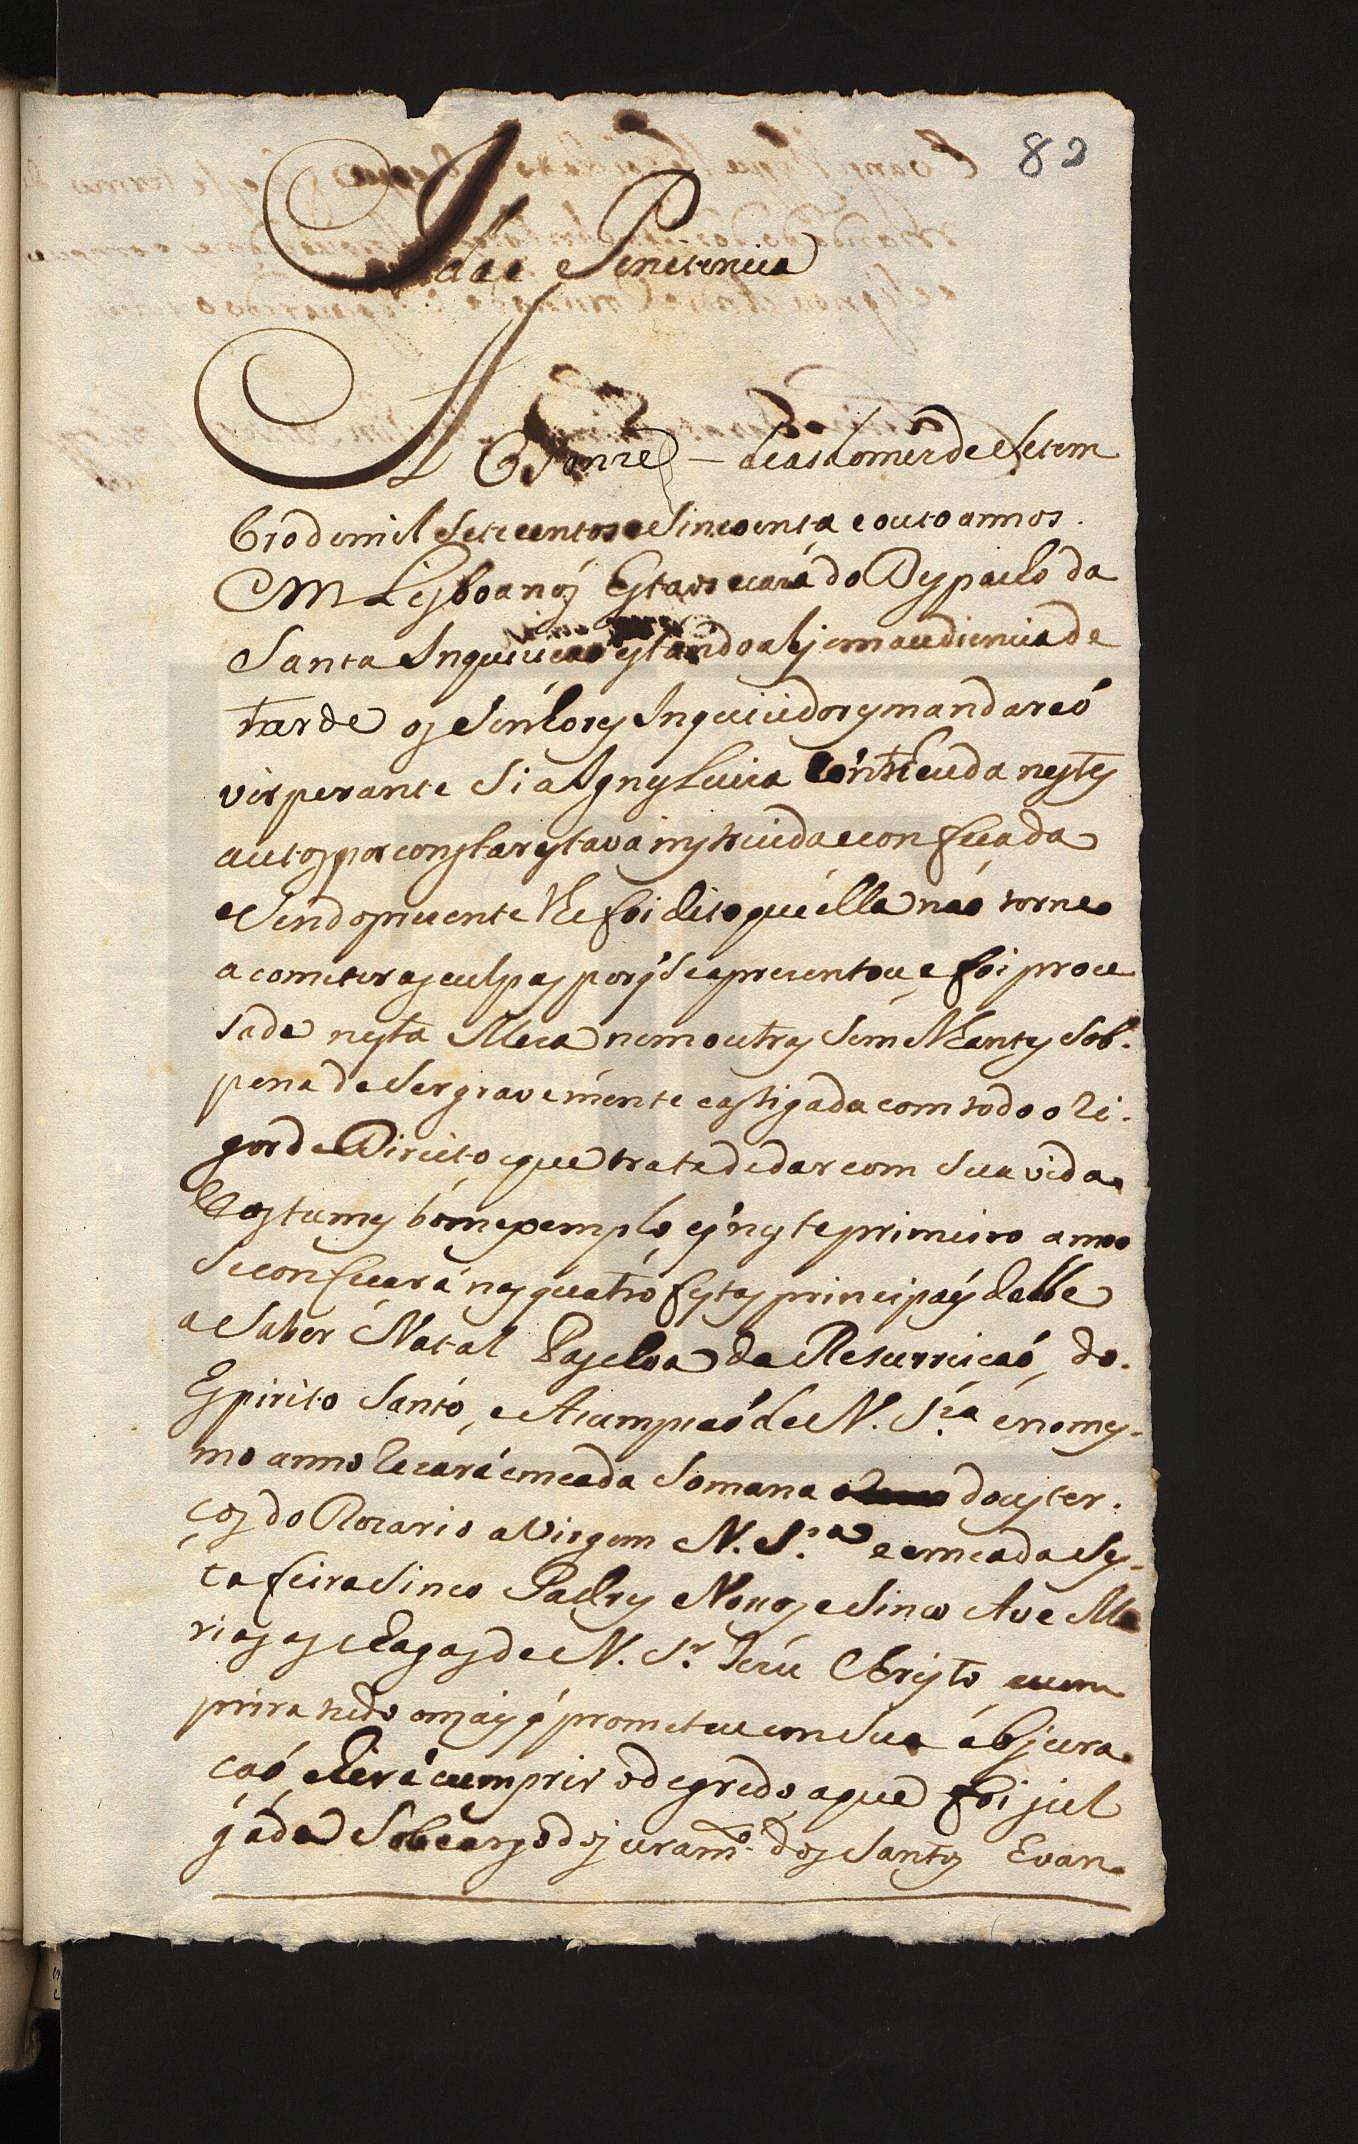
Ida e Penitencia
Aos onze dias do mez de Setem
bro de mil setecentos, e Sincoenta, e outo annos.
Em Lisboa nos Estaos e caza do Despacho da
Santa Inquisiçaõ estando ahj em audiencia de
tarde os Senhores Inquisidores mandaraõ
vir perante Si a Ignes Luiza contheuda nestes
autos por constar estava instruida, e confeçada
e Sendo presente lhe foi dito que ella naõ torne
a cometer as culpas porq̄ se aprezentou, e foi proce
sada nesta Meza, nem outras semelhantes sob
pena de Ser gravemente castigada com todo o Ri
gor de Direito, e que trate de dar com sua vida
e costumes bom exemplo, e q̄ neste primeiro anno
se confeçará nas quatro festas principaés delle
a Saber Natal, Paschoa da Resurreiçaõ, do
Espirito Santo, e Asumpsaõ de N. S.ra e no mes
mo anno Rezará em cada somana o d_ dous ter.
ços do Rozario a Virgem N. S.ra e em cada Ses
ta feira sinco Padres Nossos e Sinco Ave Ma
rias as chagas de N. S.r Iezú Christo, cum
prira tudo o mais q̄ prometeu em Sua abjura
çaõ e hirá cumprir o degredo, a que foi jul
gada Sob cargo do juram.to dos Santos Evan
